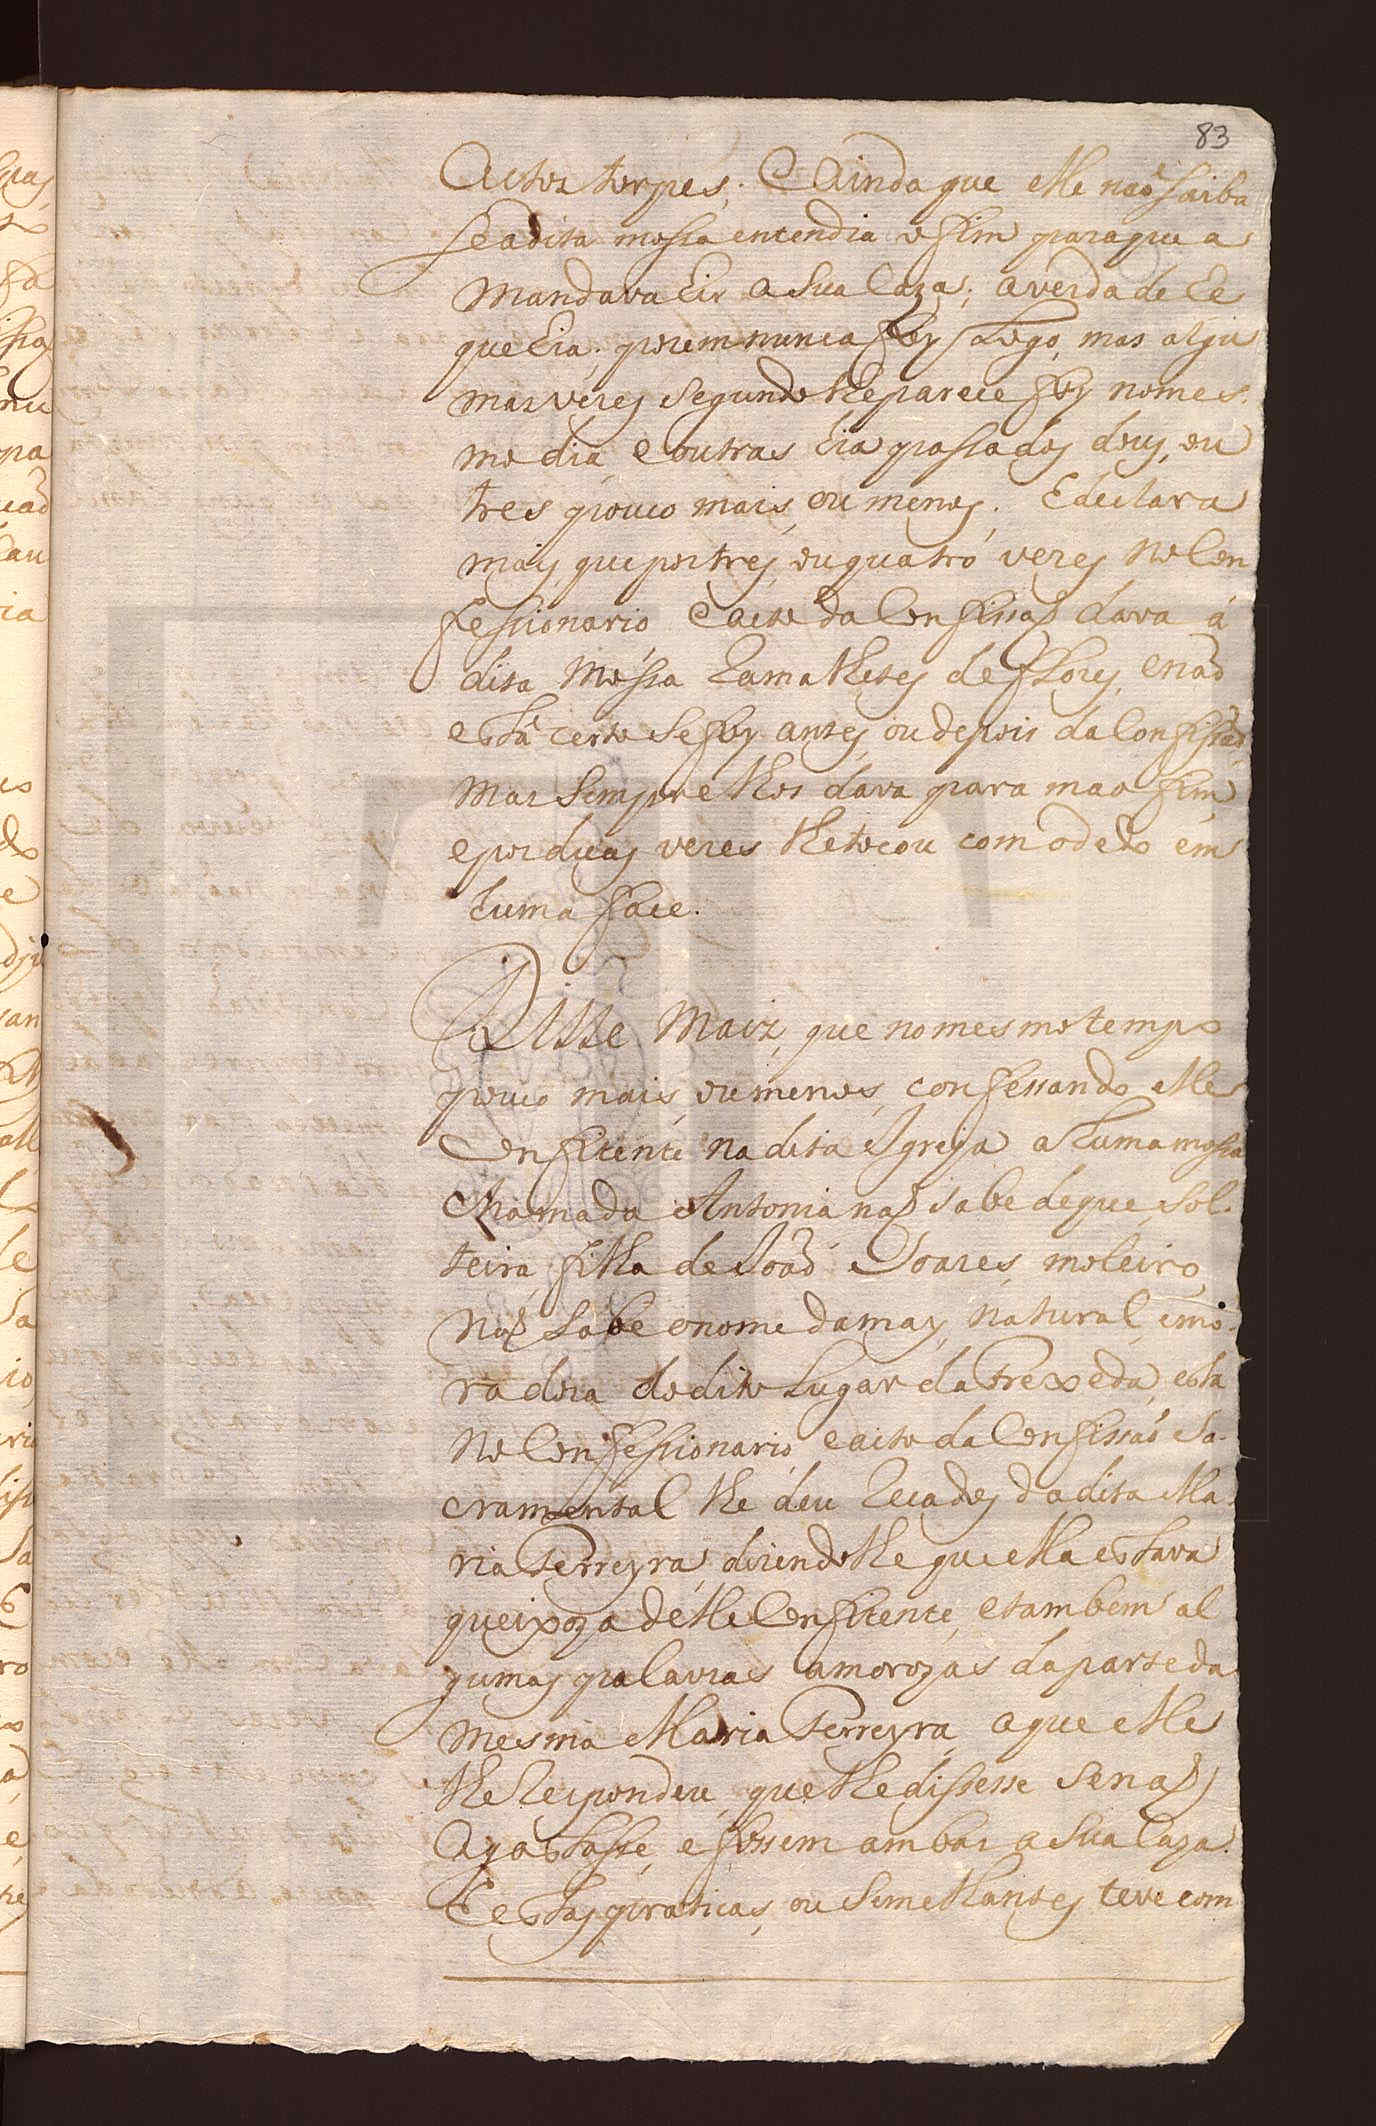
Actos torpes; E Ainda que elle naõ saiba
se a dita mossa entendia a fim para que a
mandava hir a sua Caza, a verdade he
que hia; porem nunca foy Logo, mas algu
mas vezes segundo lhe parece foy no mes
mo dia, e outras hia passados dous, ou
tres pouco mais ou menos; E declara
mais, que por tres, ou quatro vezes no Con
fessionario, e acto da Confissaõ dava á
dita mossa Ramalhetes de flores, e naõ
estâ certo se foy antes, ou depois da Confissão
mas sempre lhos dava para mao fim
e por duas vezes lhe tocou com o dedo em
huma face.
Disse maiz, que no mesmo tempo
pouco mais, ou menos, confessando elle
confitente na dita Igreja a huma mossa
chamada Antonia naõ sabe de que, sol
teira, filha de Ioaõ Soares, moleiro,
naõ sabe o nome da may, natural, e mo
radora do dito Lugar da Frexeda, esta
no Confessionario, e acto da Confissaõ Sa
cramental lhe deu Recados da dita Ma
ria Ferreyra, dizendolhe que ella estava
queixoza delle Confitente, e tambem al
gumas palavras amorozas da parte da
mesma Maria Ferreyra, a que elle
lhe Respondeu, que lhe dissesse se naõ
A gastasse, e fossem ambas a sua caza
E estas praticas, ou Semelhantes teve com
